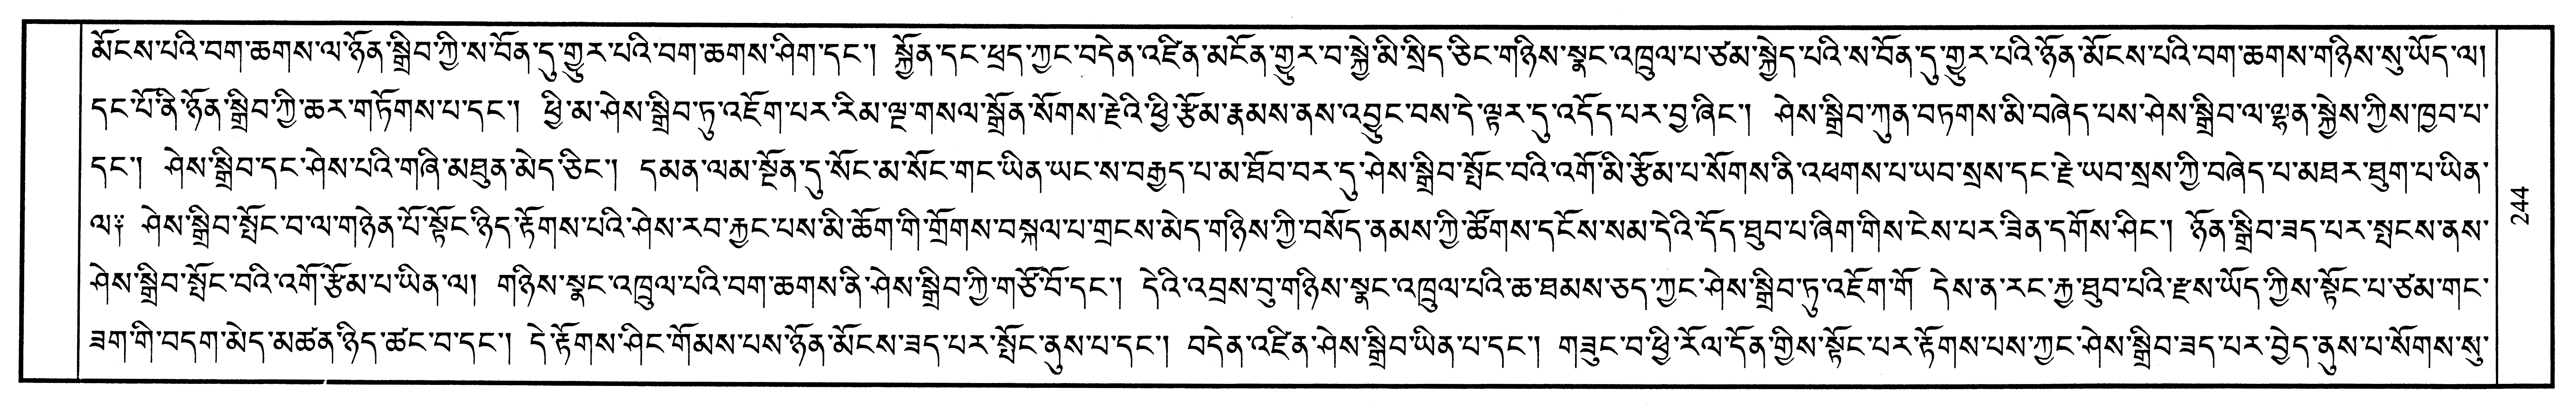མོངས་པའི་བག་ཆགས་ལ་ཉོན་སྒྲིབ་ཀྱི་ས་བོན་དུ་གྱུར་པའི་བག་ཆགས་ཤིག་དང་། སྐྱོན་དང་ཕྲད་ཀྱང་བདེན་འཛིན་མངོན་གྱུར་བ་སྐྱེ་མི་སྲིད་ཅིང་གཉིས་སྣང་འཁྲུལ་པ་ཙམ་སྐྱེད་པའི་ས་བོན་དུ་གྱུར་པའི་ཉོན་མོངས་པའི་བག་ཆགས་གཉིས་སུ་ཡོད་ལ།
དང་པོ་ནི་ཉོན་སྒྲིབ་ཀྱི་ཆར་གཏོགས་པ་དང་། ཕྱི་མ་ཤེས་སྒྲིབ་ཏུ་འཇོག་པར་རིམ་ལྔ་གསལ་སྒྲོན་སོགས་རྗེའི་ཕྱི་རྩོམ་རྣམས་ནས་འབྱུང་བས་དེ་ལྟར་དུ་འདོད་པར་བྱ་ཞིང་། ཤེས་སྒྲིབ་ཀུན་བཏགས་མི་བཞེད་པས་ཤེས་སྒྲིབ་ལ་ལྷན་སྐྱེས་ཀྱིས་ཁྱབ་པ་
དང་། ཤེས་སྒྲིབ་དང་ཤེས་པའི་གཞི་མཐུན་མེད་ཅིང་། དམན་ལམ་སྔོན་དུ་སོང་མ་སོང་གང་ཡིན་ཡང་ས་བརྒྱད་པ་མ་ཐོབ་བར་དུ་ཤེས་སྒྲིབ་སྤོང་བའི་འགོ་མི་རྩོམ་པ་སོགས་ནི་འཕགས་པ་ཡབ་སྲས་དང་རྗེ་ཡབ་སྲས་ཀྱི་བཞེད་པ་མཐར་ཐུག་པ་ཡིན་
ལ༑ ཤེས་སྒྲིབ་སྤོང་བ་ལ་གཉེན་པོ་སྟོང་ཉིད་རྟོགས་པའི་ཤེས་རབ་རྐྱང་པས་མི་ཆོག་གི་གྲོགས་བསྐལ་པ་གྲངས་མེད་གཉིས་ཀྱི་བསོད་ནམས་ཀྱི་ཚོགས་དངོས་སམ་དེའི་དོད་ཐུབ་པ་ཞིག་གིས་ངེས་པར་ཟིན་དགོས་ཤིང་། ཉོན་སྒྲིབ་ཟད་པར་སྤངས་ནས་
ཤེས་སྒྲིབ་སྤོང་བའི་འགོ་རྩོམ་པ་ཡིན་ལ། གཉིས་སྣང་འཁྲུལ་པའི་བག་ཆགས་ནི་ཤེས་སྒྲིབ་ཀྱི་གཙོ་བོ་དང་། དེའི་འབྲས་བུ་གཉིས་སྣང་འཁྲུལ་པའི་ཆ་ཐམས་ཅད་ཀྱང་ཤེས་སྒྲིབ་ཏུ་འཇོག་གོ །དེས་ན་རང་རྐྱ་ཐུབ་པའི་རྫས་ཡོད་ཀྱིས་སྟོང་པ་ཙམ་གང་
ཟག་གི་བདག་མེད་མཚན་ཉིད་ཚང་བ་དང་། དེ་རྟོགས་ཤིང་གོམས་པས་ཉོན་མོངས་ཟད་པར་སྤོང་ནུས་པ་དང་། བདེན་འཛིན་ཤེས་སྒྲིབ་ཡིན་པ་དང་། གཟུང་བ་ཕྱི་རོལ་དོན་གྱིས་སྟོང་པར་རྟོགས་པས་ཀྱང་ཤེས་སྒྲིབ་ཟད་པར་བྱེད་ནུས་པ་སོགས་སུ་